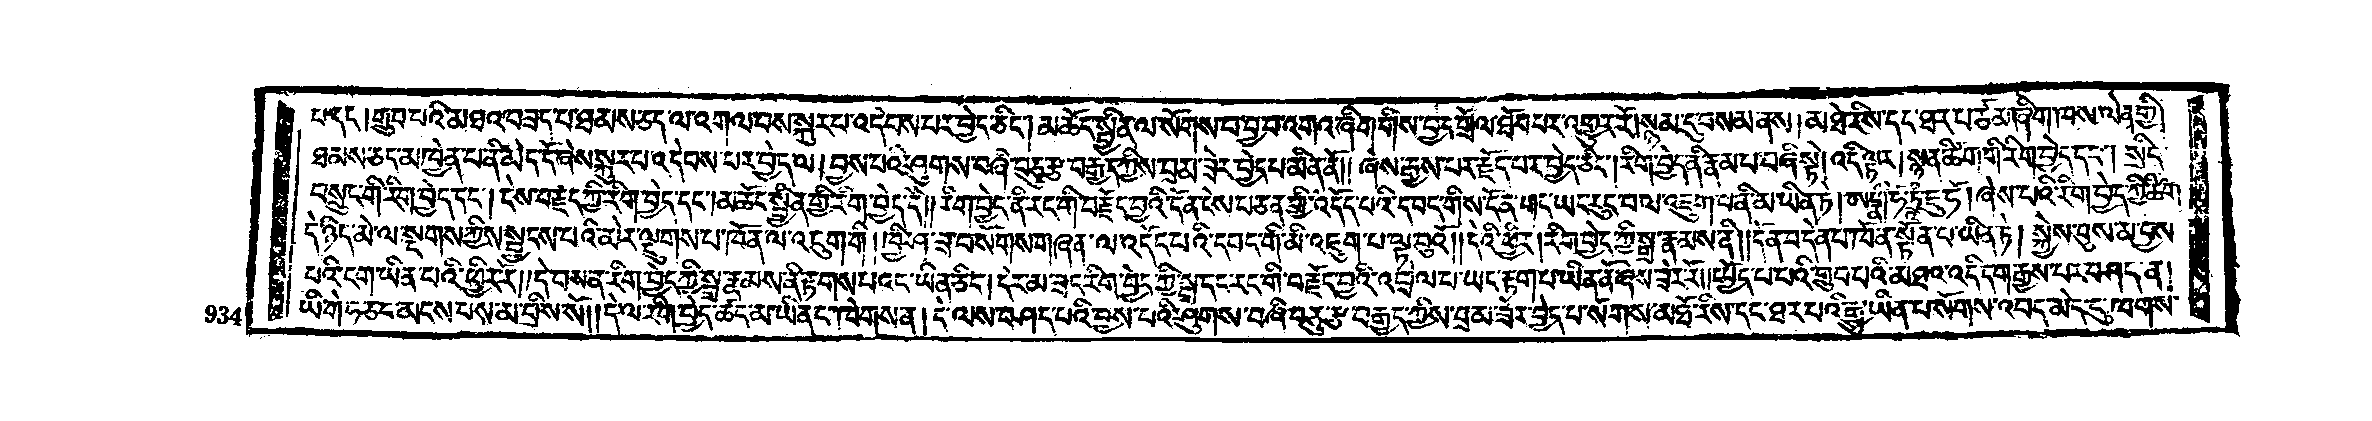པ་དང་། གྲུབ་པའི་མཐའ་བཟད་པ་ཐམས་ཅད་ལ་འགལ་བས་སྐུར་བ་འདེབས་པར་བྱེད་ཅིང་། མཆོད་སྦྱིན་ལ་སོགས་པ་བྱ་བ་འགའ་ཞིག་གིས་བྱང་གྲོལ་ཐོབ་པར་འགྱུར་རོ། སྙམ་དུ་བསམ་ནས། མཐོ་རིས་དང་ཐར་པ་ཙམ་ཞིག་ཁས་ལེན་གྱི།
ཐམས་ཅད་མཁྱེན་པ་ནི་མེད་དོ་ཞེས་སྐུར་པ་འདེབས་པར་བྱེད་ལ། བྱས་པའི་ཤུགས་བཞི་བཅུ་རྩ་བརྒྱད་ཀྱིས་བྲམ་ཟེར་བྱེད་པ་མིན་ནོ། །ཞེས་རྒྱས་པར་རྗོད་པར་བྱེད་ཅིང་། རིག་བྱེད་ནི་རྣམ་པ་བཞི་སྟེ། འདི་ལྟར། སྙན་ཚིག་གི་རིག་བྱེད་དང་། སྲིད་
བསྲུང་གི་རིག་བྱེད་དང་། ངེས་བརྗོད་ཀྱི་རིག་བྱེད་དང་། མཆོད་སྦྱིན་གྱི་རིག་བྱེད་དོ། །རིག་བྱེད་ནི་རང་གི་བརྗོད་བྱའི་དོན་ངེས་པ་ཅན་གྱི་འདོད་པའི་དབང་གིས་དོན་གང་ཡང་རུང་བ་ལ་འཇུག་པ་ནི་མ་ཡིན་ཏེ། ཨགནི་ཧོ་ཏཱྲཾ་ཇུ་ཧོ། ཞེས་པའི་རིག་བྱེད་ཀྱི་ཚིག་
དེ་ཉིད་མེ་ལ་སྔགས་ཀྱིས་སྦྱངས་པའི་མེར་ལྡུགས་པ་ཁོ་ན་ལ་འཇུག་གི། ཁྱི་ཤ་ཟ་བ་སོགས་གཞན་ལ་འདོད་པའི་དབང་གི་མི་འཇུག་པ་ལྟ་བུའོ། །དེའི་ཕྱིར། རིག་བྱེད་ཀྱི་སྒྲ་རྣམས་ནི། དོན་བདེན་པ་ཁོ་ན་སྟོན་པ་ཡིན་ཏེ། སྐྱེས་བུས་མ་བྱས་
པའི་ངག་ཡིན་པའི་ཕྱིར་རོ། །དེ་བས་ན་རིག་བྱེད་ཀྱི་སྒྲ་རྣམས་ནི་རྟགས་པའང་ཡིན་ཅིང་། དེར་མ་ཟད་རིག་བྱེད་ཀྱི་སྒྲ་དང་རང་གི་བརྗོད་བྱའི་འབྲེལ་བ་ཡང་རྟག་པ་ཡིན་ནོ་ཞེས་ཟེར་རོ། །དཔྱོད་པ་པའི་གྲུབ་པའི་མཐའ་འདི་དག་རྒྱས་པར་བཤད་ན།
ཡི་གེ་ཧ་ཅང་མངས་པས་མ་བྲིས་སོ། །དེ་ལ་རིག་བྱེད་ཚད་མ་ཡིན་པ་ཁེགས་ན། དེ་ལས་བཤད་པའི་བྱས་པའི་ཤུགས་བཞི་བཅུ་རྩ་བརྒྱད་ཀྱིས་བྲམ་ཟེར་བྱེད་པ་སོགས་མཐོ་རིས་དང་ཐར་པའི་རྒྱུ་ཡིན་པ་སོགས་འབད་མེད་དུ་ཁེགས་